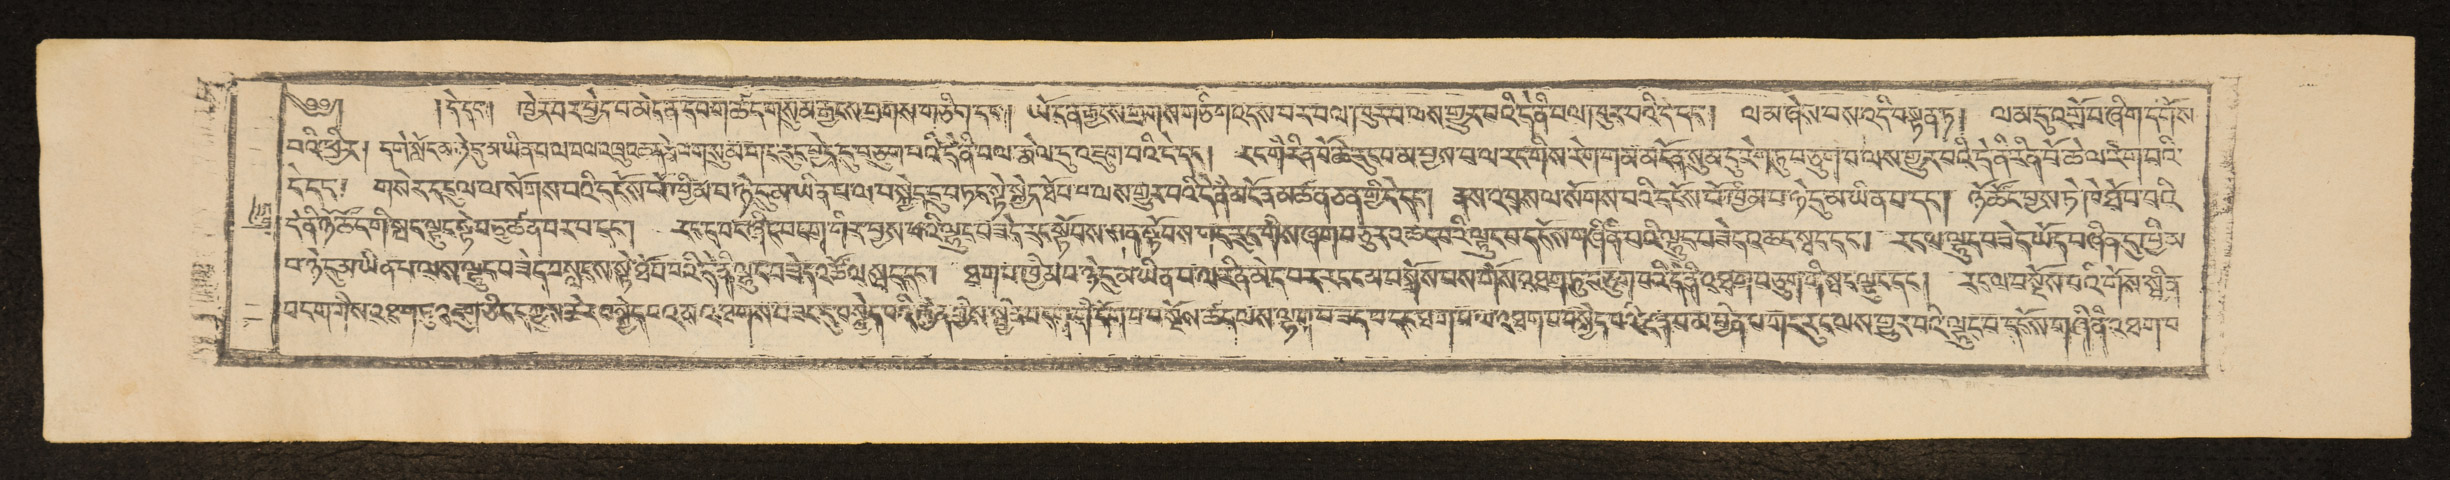༄༅། །དེ་དང་། ཁྱེར་བར་བྱེད་པ་མེད་ན་དཔག་ཚད་གསུམ་རྒྱངས་གྲགས་གཅིག་དང་། ཡོང་ན་རྒྱངས་གྲགས་གཅིག་འདས་པར་བལ་ཁུར་བ་ལས་གྱུར་བའི་དེ་ནི་བལ་ཁུར་བའི་དེ་དང་། ལམ་ཞེས་པས་འདི་བསྟན་ཏ། ལམ་དུ་འགྲོ་བ་ཞིག་དགོས་
པའི་ཕྱིར། དགེ་སློང་མ་ཉེ་དུ་མ་ཡིན་པ་ལ་བལ་འཁྲུ་འཆད་རྨེལ་གསུམ་གང་རུང་བྱེད་དུ་བཅུག་པའི་དེ་ནི་བལ་རྨེལ་དུ་འཇུག་པའི་དེ་དང་། རང་གི་རིན་པོ་ཆེ་རུང་བ་མ་བྱས་པ་ལ་རང་གིས་རེག་གམ་མངོན་སུམ་དུ་རེག་ཏུ་བཅུག་པ་ལས་གྱུར་བའི་དེ་ནི་རིན་པོ་ཆེལ་རེག་པའི་
དེ་དང་། གསེར་དངུལ་ལ་སོགས་པའི་དངོས་པོ་ཁྱིམ་པ་ཉེ་དུ་མ་ཡིན་པ་ལ་བསྐྱེད་དུ་བཏང་སྟེ་སྐྱེད་ཐོབ་པ་ལས་གྱུར་བའི་དེ་ནི་མངོན་མཆན་ཅན་གྱི་དེ་དང་། ནས་འབྲས་ལ་སོགས་པའི་དངོས་པོ་ཁྱིམ་པ་ཉེ་དུ་མ་ཡིན་པ་དང་། ཉོ་ཚོང་བྱས་ཏེ་ཁེ་ཐོབ་པའི་
དེ་ནི་ཉོ་ཚོང་གི་སྤང་སྟུང་སྟེ་བཅུ་ཚན་བར་བ་དང་། རང་དབང་ཞིང་བདག་གིར་བྱས་པའི་ལྷུང་བཟེད་རང་སྟོབས་ཤན་སྟོབས་གང་རུང་གིས་ཞག་བཅུར་འཆད་པའི་ལྟུང་བ་དངོས་གཞི་ནི་པའི་ལྷུང་བཟེད་འཆང་སྤང་དང་། རང་ལ་ལྷུང་བཟེད་ཡོད་བཞིན་དུ་ཁྱིམ་
བ་ཉེ་དུ་མ་ཡིན་པ་ལས་ལྷུང་བཟེད་བསླངས་སྟེ་ཐོབ་བའི་དེ་ནི་ལྷུང་བཟེད་འཚོལ་སྤང་དང་། ཐག་པ་ཁྱིམ་པ་ཉེ་དུ་མ་ཡིན་པ་ལ་རིན་མེད་པར་རང་ངམ་བསྒོས་པས་གོས་འཐག་ཏུ་བཅུག་པའི་དེ་ནི་འཐག་བཅུག་གི་སྤང་ལྟུང་དང་། རང་ལ་བསྔོས་བའི་གོས་སྦྱིན་
བདག་གིས་འཐག་ཏུ་འཇུག་ཅིང་དཀྱུས་ཆེར་བསྐྱེད་བའམ་འཐགས་བཟང་དུ་བསྐྱེད་བའི་རྐྱེན་གྱིས་སྦྱིན་བདག་གི་དོག་པ་བསྔོས་ཚད་ལས་ལྷག་བཟང་བ་དང་ཐག་པ་ལ་འཐག་པ་བསྐྱེད་པའི་རྔན་པ་མ་བྱིན་པ་གང་རུང་ལས་གྱུར་བའི་ལྟུང་བ་དངོས་གཞི་ནི་འཐག་པ་